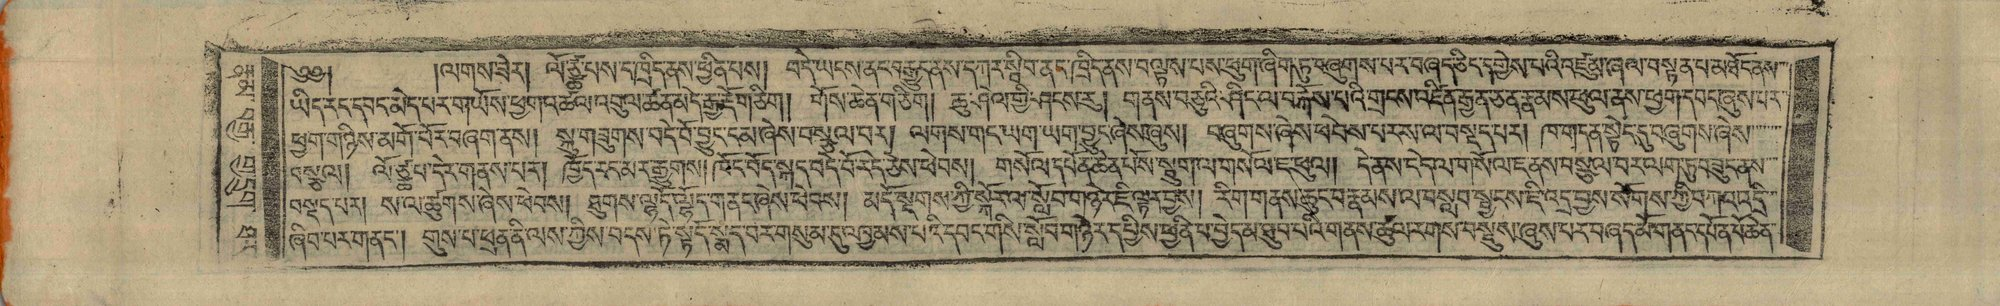༄༅། །ལགས་ཟེར། ལོ་ཙྪ་པས་ང་ཁྲིད་ནས་ཕྱིན་པས། བདེ་ཡངས་ནང་བརྒྱུད་ནས་དཀར་སྦིབ་ནང་ཁྲིད་ནས་བལྟས་པས་ཕུག་ཞིག་ཏུ་བཞུགས་པར་བཞད་ཅིང་དགྱེས་པའི་འཛུམ་ཞལ་བསྟན་པ་མཐོང་ནས་
ཡིད་རང་དབང་མེད་པར་གཡོས་ཕྱག་འཚལ་འབུལ་ཚན་མེད་རྒྱ་རྡོ་གཅིག །གོས་ཆེན་གཅིག །ཆུ་ཤེལ་གྱི་ཤངས་རུ། གནས་བཅུའི་ཤིང་ལ་བརྐོས་པའི་གྲངས་འཛིན་རྒྱན་ཅན་རྣམས་ཕུལ་ནས་ཕྱག་དབང་ཞུས་པར་
ཕྱག་གཉིས་མགོ་བོར་བཞག་ནས། སྐུ་གཟུགས་བདེ་པོ་བྱུང་ངམ་ཞེས་བསྩལ་བར། ལགས་གང་ཡག་ཡག་བྱུང་ཞེས་ཞུས། བཞུགས་ཞེས་ཕེབས་པར་ས་ལ་བསྡད་པར། ཁ་གདན་སྟེང་དུ་བཞུགས་ཞེས་
བསྩལ། ལོ་ཙྪ་པ་དེར་གནས་པར། ཁྱོད་རང་མར་རྒྱུགས། ཁོང་བོད་སྐད་བདེ་བོ་རེད་ཅེས་ཕེབས། གསོལ་དཔོན་ཆེན་པོས་སྦུག་ལ་གསོལ་ཇ་ཕུལ། དེ་ནས་ངེད་ལ་གསོལ་ཇ་ནས་བསྩལ་བར་ལག་ཏུ་བཟུང་ནས་
བསྡད་པར། ས་ལ་ཚུགས་ཞེས་ཕེབས། ཐུགས་ལྷོད་ལྷོད་གནང་ཞེས་ཕེབས། མདོ་སྔགས་ཀྱི་སྐོར་ལ་སློབ་གཉེར་ཇི་ལྟར་བྱས། རིག་གནས་ཆུང་བ་རྣམས་ལ་བསླབ་སྦྱངས་ཇི་འདྲ་བྱས་སོགས་ཀྱི་བཀའ་འདྲི་
ཞིབ་པར་གནང་། གུས་པ་ཕྲན་ནི་ལས་ཀྱིས་བདས་ཏེ་སྟོད་སྨད་པར་གསུམ་དུ་འཁྱམས་པའི་དབང་གིས་སློབ་གཉེར་དཔྱིས་ཕྱིན་པ་བྱེད་མ་ཐུབ་པའི་གནས་ཚུལ་རགས་བསྡུས་ཞུས་པར་བཞད་མོ་གནང་དཔོན་པོ་ཆེན་